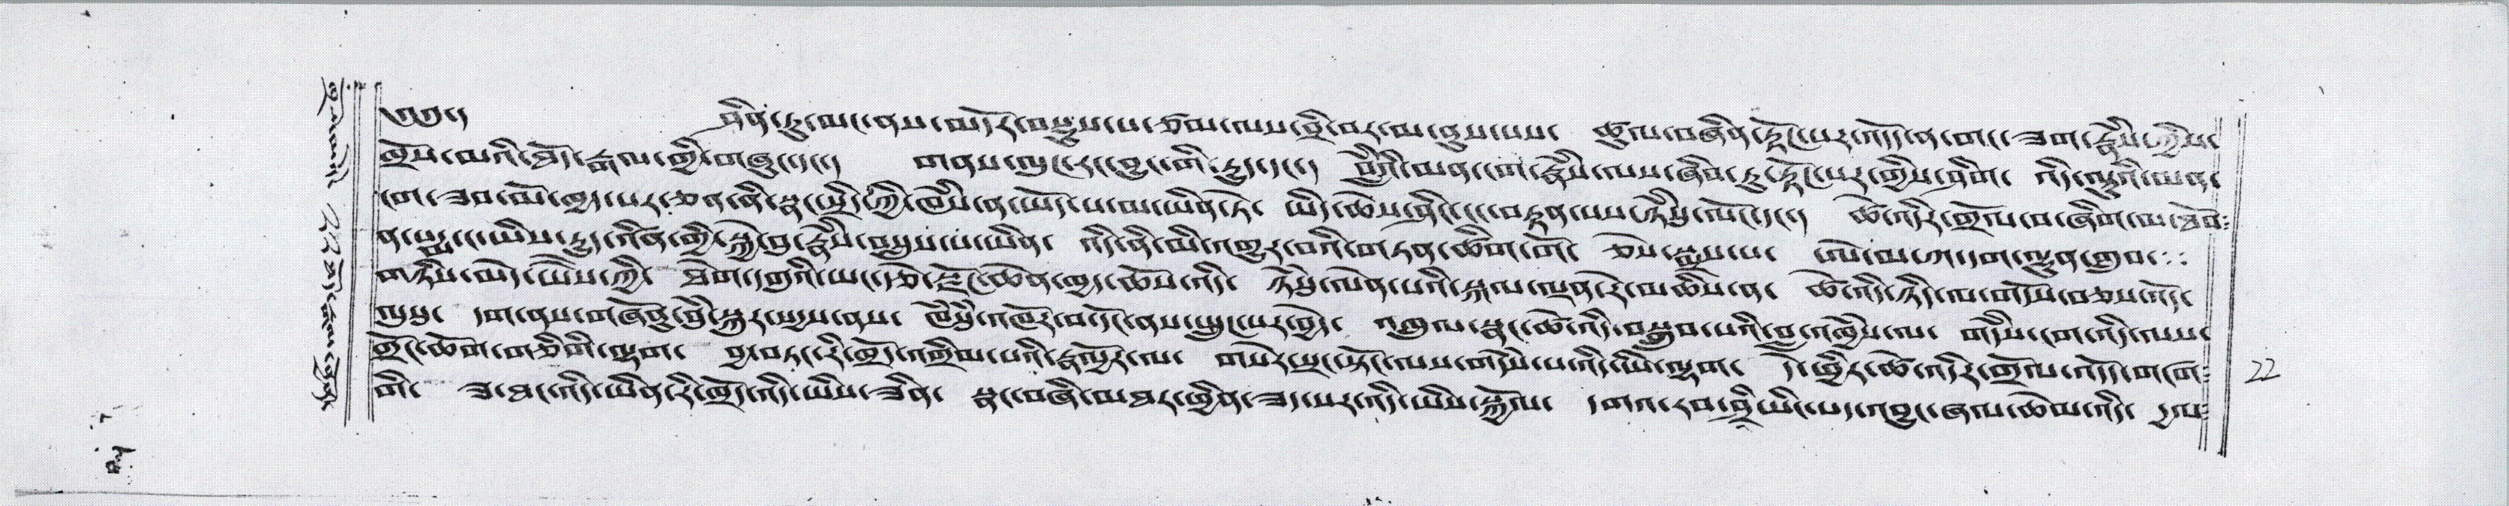ཤིན་ཏུ་མང་ནས་མདོར་བསྡུས་པ་ཙམ་ལས་བྲི་བར་མ་ནུས་པས། ཚུལ་བཞིན་རྟོགས་པར་འདོད་ན་གང་ཟག་རྣམས་ཀྱིས་
ཁྲོས་མའི་ཐོད་རྒལ་གྱི་གཞུང་དང་། གནས་ལུགས་རང་འབྱུང་གི་རྒྱུད་དང་། བླ་མའི་མན་ངག་རྣམས་ལས་ཞིབ་ཏུ་རྟོགས་པར་གྱིས་ཤིག །འདི་ལྟ་བུའི་མན་
ངག་ཟབ་མོ་ཁྱད་པར་ཅན་ནི་སྣང་སྲིད་ཀྱི་ཁམས་ན་ཡོད་པ་མ་ཡིན་ཏེ། ཡིད་ཆེས་ཤིང་ངང་བརྟན་པས་ཉམས་སུ་ལོང་དང་། ཚེ་འདིར་གྲོལ་བ་ཞིག་མ་ཐོབ་
ན་པདྨ་ང་ཡི་རྒྱུད་འཛིན་གྱི་སྐྱེས་བུ་བསླུས་པ་ཡིན། འདི་ནི་མི་འགྱུར་བའི་གཏན་ཚིག་གོ ཅེས་སྨྲས་པ། ཨེ་མ་ཀ་དག་ལྷུན་གྲུབ་
གཉིས་མེད་ཡེ་ཤེས་ཀྱི། ཐེག་དགུའི་ཡང་རྕེ་རྫོགས་ཆེན་ཁྱད་ཆོས་འདི། །ཉམས་སུ་ལེན་པའི་སྐལ་ལྡན་རེ་མཆིས་ན། །ཚེ་འདི་ཉིད་ལ་གདོས་བཅས་འོད་
ལུས་སུ། །དག་ནས་གཞོན་ནུ་བུམ་སྐུར་སངས་རྒྱས་ནས། །ཁམས་གསུམ་འཁོར་བ་དོང་ནས་སྤྲུག་པར་བྱེད། །འཁྲུལ་སྣང་ཚེ་འདི་བསྒྲུབ་པའི་བླ་འཁྱམས་ལ། །གདམས་ངག་འདི་ལས་
གྲོང་ཆོག་གཅིག་གི་ལྷག །བྱ་བཏང་རི་ཁྲོད་འགྲིམས་པའི་རྣལ་འབྱོར་ལ། །གསེར་སྲང་སྟོང་ལས་གདམས་པ་འདི་ཡི་ལྷག །དེ་ཕྱིར་ཚེ་འདིར་གྲོལ་འདོད་གང་ཟག་
གི །ཟ་ཐང་འདི་ཡིན་རི་ཁྲོད་འདི་ཡིས་ཟིན། །སྣང་བཞི་མཐར་ཕྱིན་ཟད་སར་འདི་ཡིས་སྐྱོལ། །དགའ་རབ་ཤྲཱི་སེང་པད་འབྱུང་ཞལ་ཆེམ་འདི། །རྒྱལ་